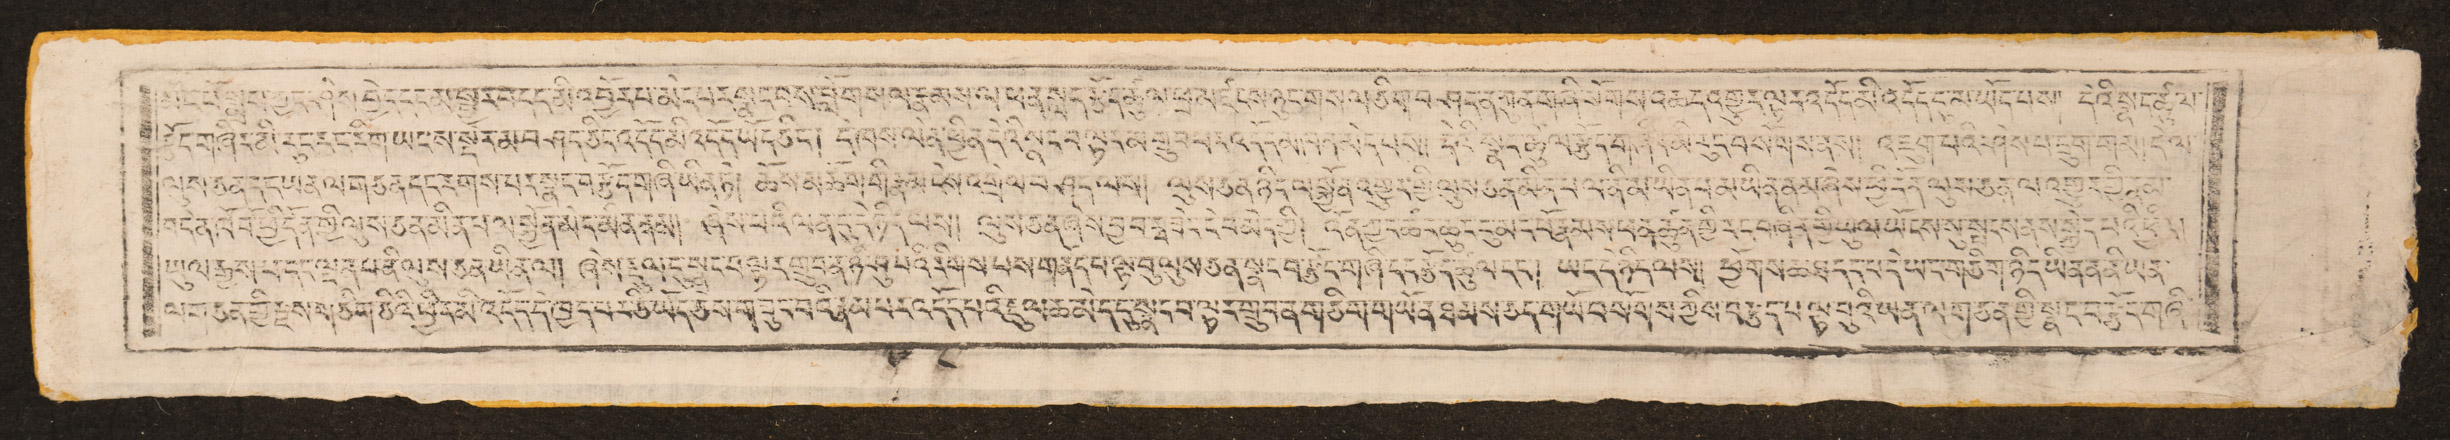མང་པོ་སྨྲས་ཀྱང་ཤེས་བྱེད་དང་མ་སྦྱར་བ་དང་མི་འབྱོར་པ་མེད་པར་སྣང་བས་བློ་གསལ་རྣམས་ལ་ཕན་སླད་རྩོད་ཚུལ་ཕྲ་མཛངས་ཉུང་གསལ་ཅིག་བཤད་ན་ཀུན་གཞི་སོགས་འཆད་འགྱུར་ལྟར་འདོད་མི་འདོད་དུ་མ་ཡོད་པས། དེའི་སྣང་ཚུལ་
རྩོད་གཞིར་མི་རུང་རང་རིག་ཡངས་སྡེར་མ་བཤད་ཅིང་འདོད་མི་འདོད་ཡོད་ཅིང་། དེ་ཁས་ལེན་ཕྱིན་དེའི་སྣང་བ་ལྟར་མ་གྲུབ་པར་འདོད་མཁན་མེད་པས། དེའི་སྣང་ཚུལ་རྩོད་གཞིར་མི་རུང་བ་སོགས་ནས། འཇུག་པའི་ཤེས་པ་དྲུག་གམ། དེ་ལ་
ལུས་ཅན་དང་ཡན་ལག་ཅན་དང་རགས་པར་སྣང་བརྩོད་གཞི་ཡིན་ཏེ། ཆོས་མཆོག་གི་རྣམ་ངེས་འགྲེལ་བཤད་ལས། ལུས་ཅན་ཉིད་ལ་སྐྱོན་འགྱུར་གྱི་ལུས་ཅན་མིན་པ་ལ་ནི་མ་ཡིན་པ་མ་ཡིན་ནམ་ཞེས་ཕྱི་དོན་ལུས་ཅན་ལ་འགྱུར་གྱི་རྣམ་
བདེན་ཁོ་བོ་ཕྱི་དོན་གྱི་ལུས་ཅན་མིན་པ་ལ་སྐྱོན་མེད་མིན་ནམ། ཞེས་པའི་ལན་དུ་དེ་ཉིད་ལས། ལུས་ཅན་ཞེས་བྱ་བ་རྭ་ཟེང་ངེ་བ་མེད་ཀྱི། འོན་ཀྱང་ཚང་ཆུང་དུ་མང་པོ་རྣམས་ཕན་ཚུན་གྱི་རང་བཞིན་གྱི་ཡུལ་ཡོངས་སུ་སྤངས་ནས་སྐྱེད་པའི་ཕྱིར།
ཡུལ་རྒྱས་པ་དང་ལྡན་པ་ནི་ལུས་ཅན་ཡིན་ལ། ཞེས་རྡུལ་དུ་སྣང་བ་ལྟར་གྲུབ་ན་ཉི་ཤུ་པའི་རིགས་པས་གནོད་པ་ལྟ་བུ་ལུས་ཅན་སྣང་བ་རྩོད་གཞི་དང་རྩོད་ཚུལ་དང་། ཡང་དེ་ཉིད་ལས། ཕྱོགས་ཆ་ཐ་དད་པ་དེ་ཡང་གཅིག་ཉིད་ཡིན་ན་ནི་ཡན་
ལག་ཅན་གྱི་རྫས་གཅིག་ཅིའི་ཕྱིར་མི་འདོད་དེ་ཁྱད་པར་ཅི་ཡོད་ཅེས་གཟུང་བའི་རྣམ་པར་འདོད་པའི་རྡུལ་ཆ་མེད་དུ་སྣང་བ་ལྟར་གྲུབ་ན་གཅིག་གཡོན་ཐམས་ཅད་གཡོ་བ་སོགས་ཀྱིས་བརྩད་པ་ལྟ་བུའི་ཡན་ལག་ཅན་གྱི་སྣང་བརྩོད་གཞི་